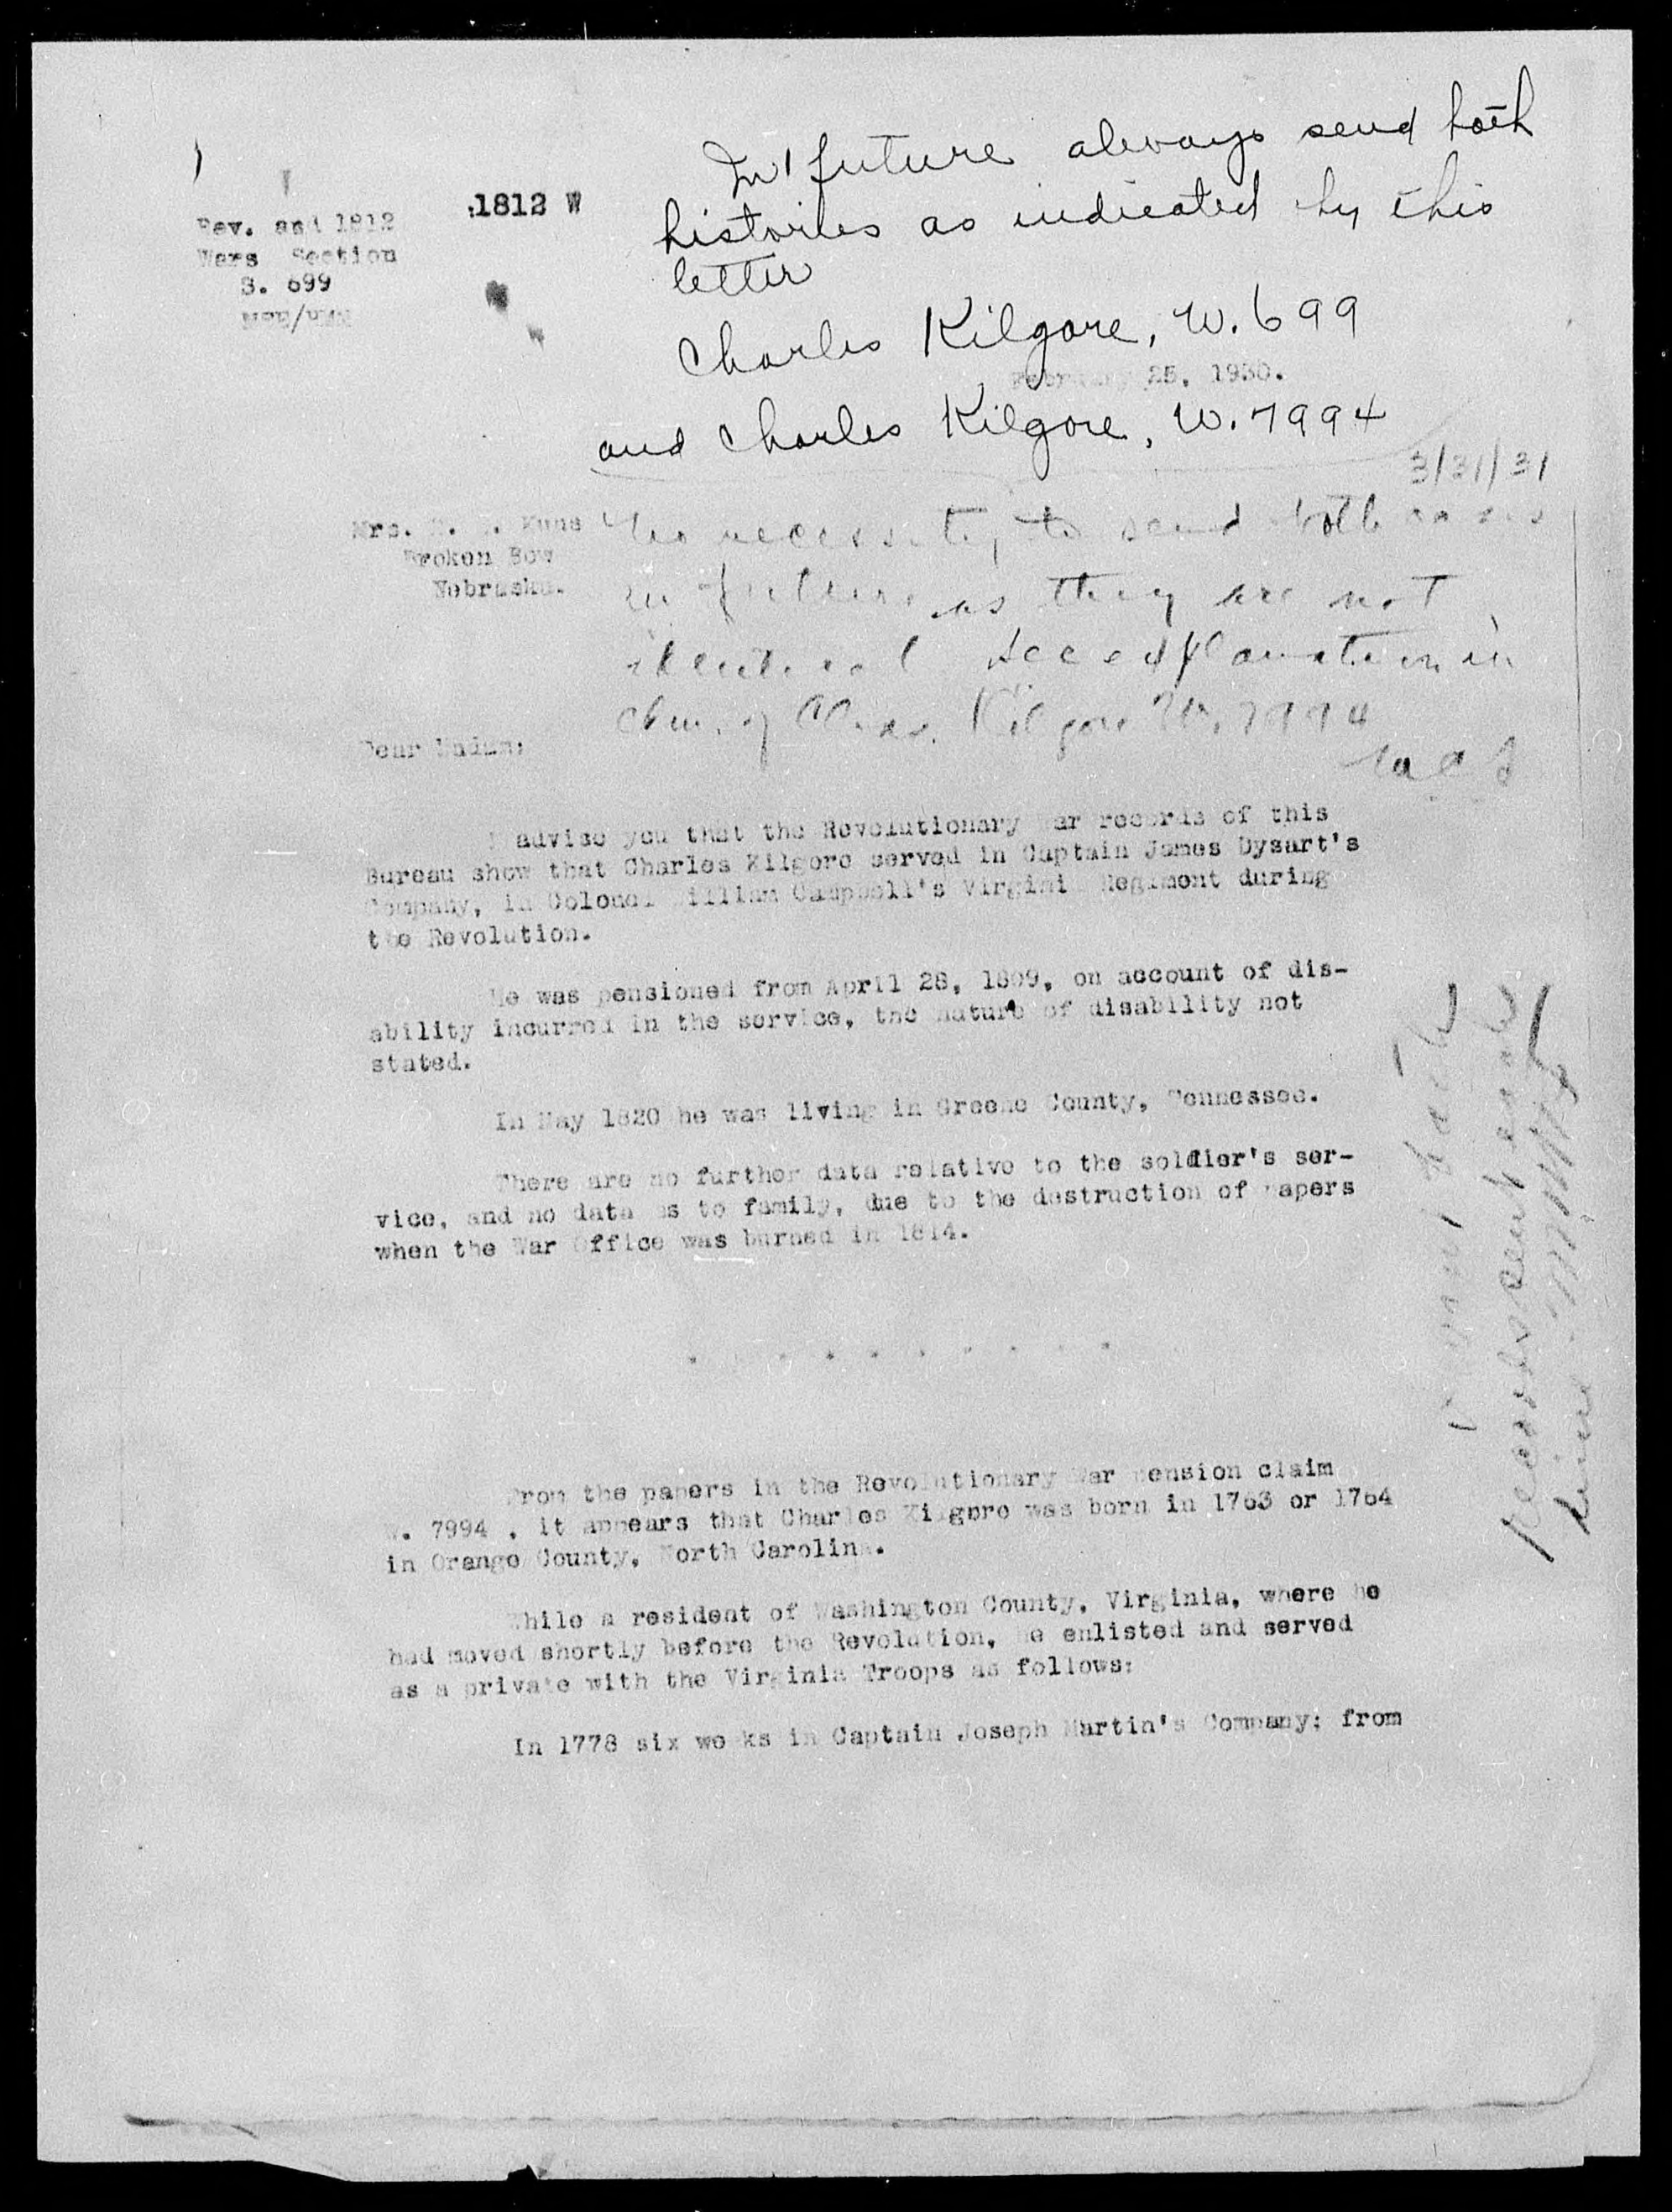1812 W
Rev. and 1812
Wars Section
3. 699
MEE/HMN

February 25, 1930.

Mrs. R. S. Kuns
Broken Bow
Nebraska

Dear Madam;
I advise you that the Revolutionary War records of this Bureau show that Charles Kilgore served in Captain James Dysart's Company, in Colonel Campbell's Virginia Regiment during the Revolution.
He was pensioned from April 28, 1809, on account of disability incurred in the service, the nature of disability not stated.
In May 1820 he was living in Greene County, Tennessee.
There are no further data relative to the soldier's service, and no data as to family, due to the destruction of papers when the War office was burned in 1814.
From the papers in the Revolutionary War pension claim W. 7994 , it appears that Charles Kilgore was born in 1763 or 1764 in Orange County, North Carolina.
While a resident of Washington County, Virginia, where he and moved shortly before the Revolution, he enlisted and served as a private with the Virginia Troops as follows:
In 1778 six weeks in Captain Joseph Martin's Company; from

[the following are handwritten notes on this document]

In future always send both histories as indicated by this letter
Charles Kilgore, W. 699 and Charles Kilgore, W. 7994

3/31/31
No necessity to send both cases in future as they are not identical. See explanation in clm. of Chas. Kilgore W. 7994 MCS

I want both records sent each time MMTF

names: Charles Kilgore; R S Kuns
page: 99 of 115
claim: survivor's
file: S. 699, for Charles Kilgore, Virginia